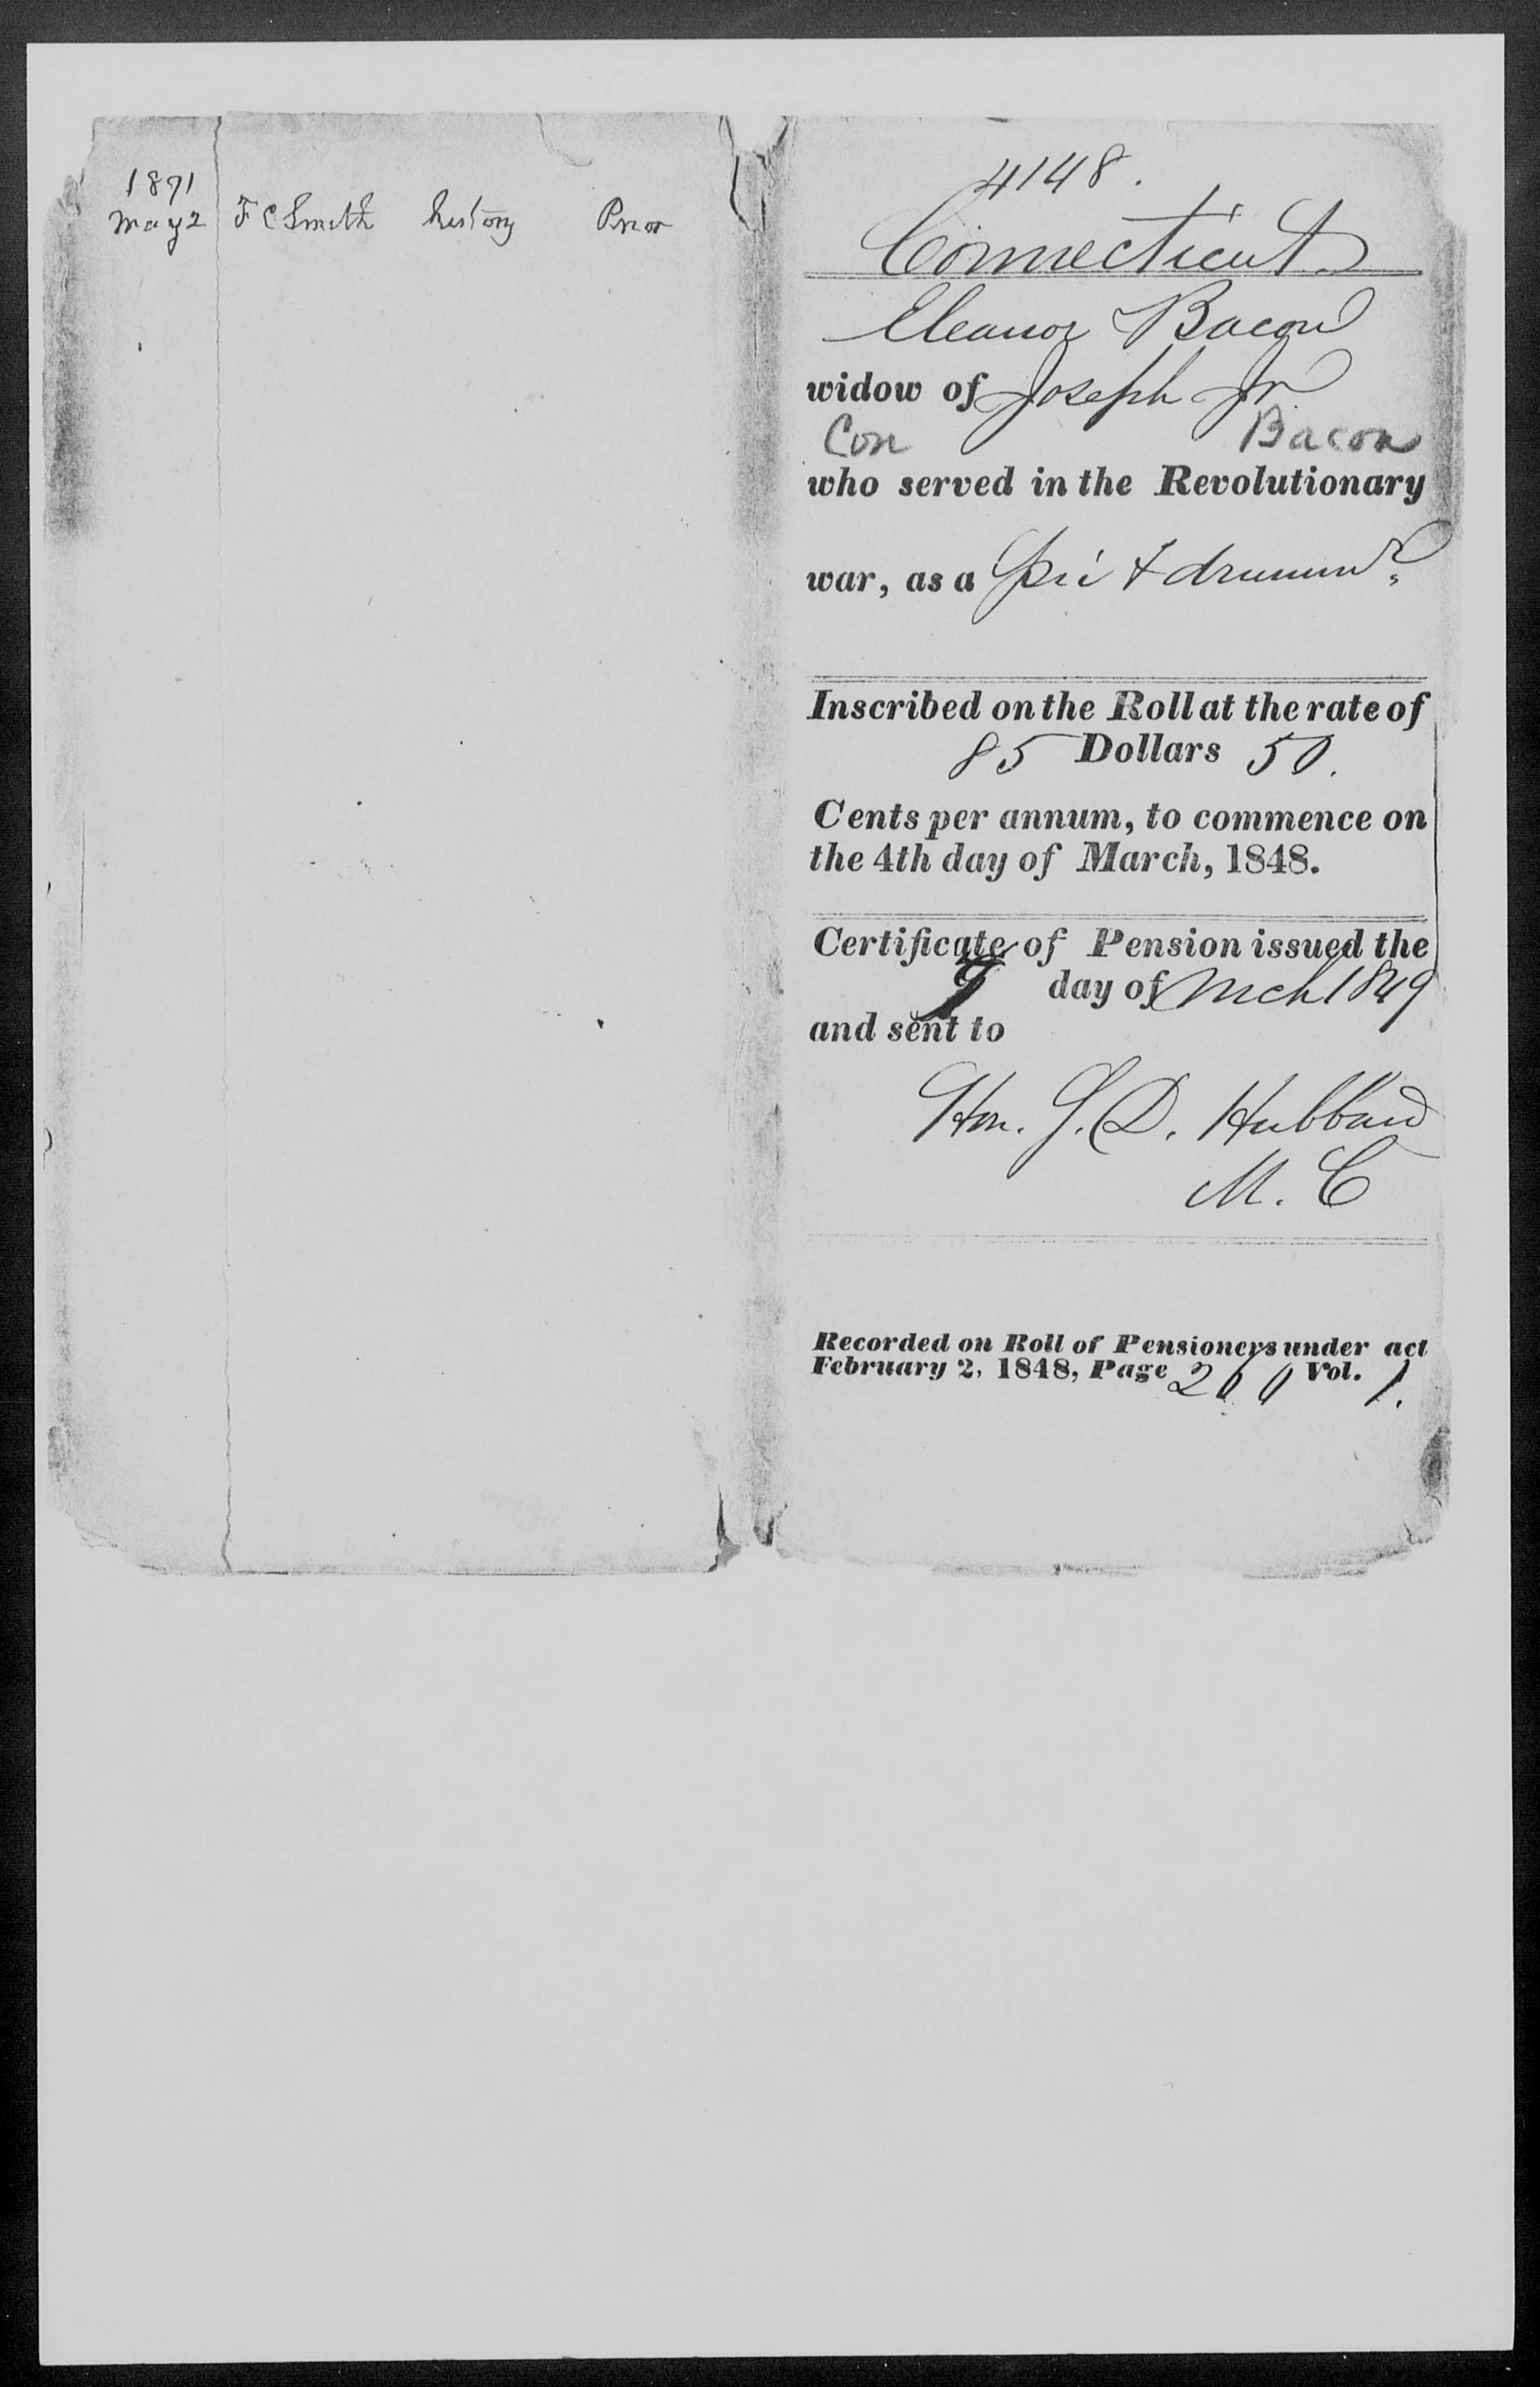[Left side]
"1891
May 2
F. C. Smith    history   Prior

[Right side]
"4148
Connecticut
Eleanor Bacon"
widow of "Joseph Bacon Jr. "
who served in the Revolutionary war, as a "Private & drummer"

Inscribed on the Roll at the rate of "85" Dollars "50." Cents per annum, to commence on the 4th day of March, 1848. 

Certificate of Pension issued the "7" day of "March 1849" and sent to "Hon. J. D. Hubbard M. C. "

Recorded on Roll of Pensioners under act February 2, 1848, Page "260" Vol. "1"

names: S D Hubbard, Joseph Bacon, F C Smith, Eleanor Bacon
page: 2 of 24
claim: widow's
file: W. 25190, Joseph Bacon, Continental (Conn)